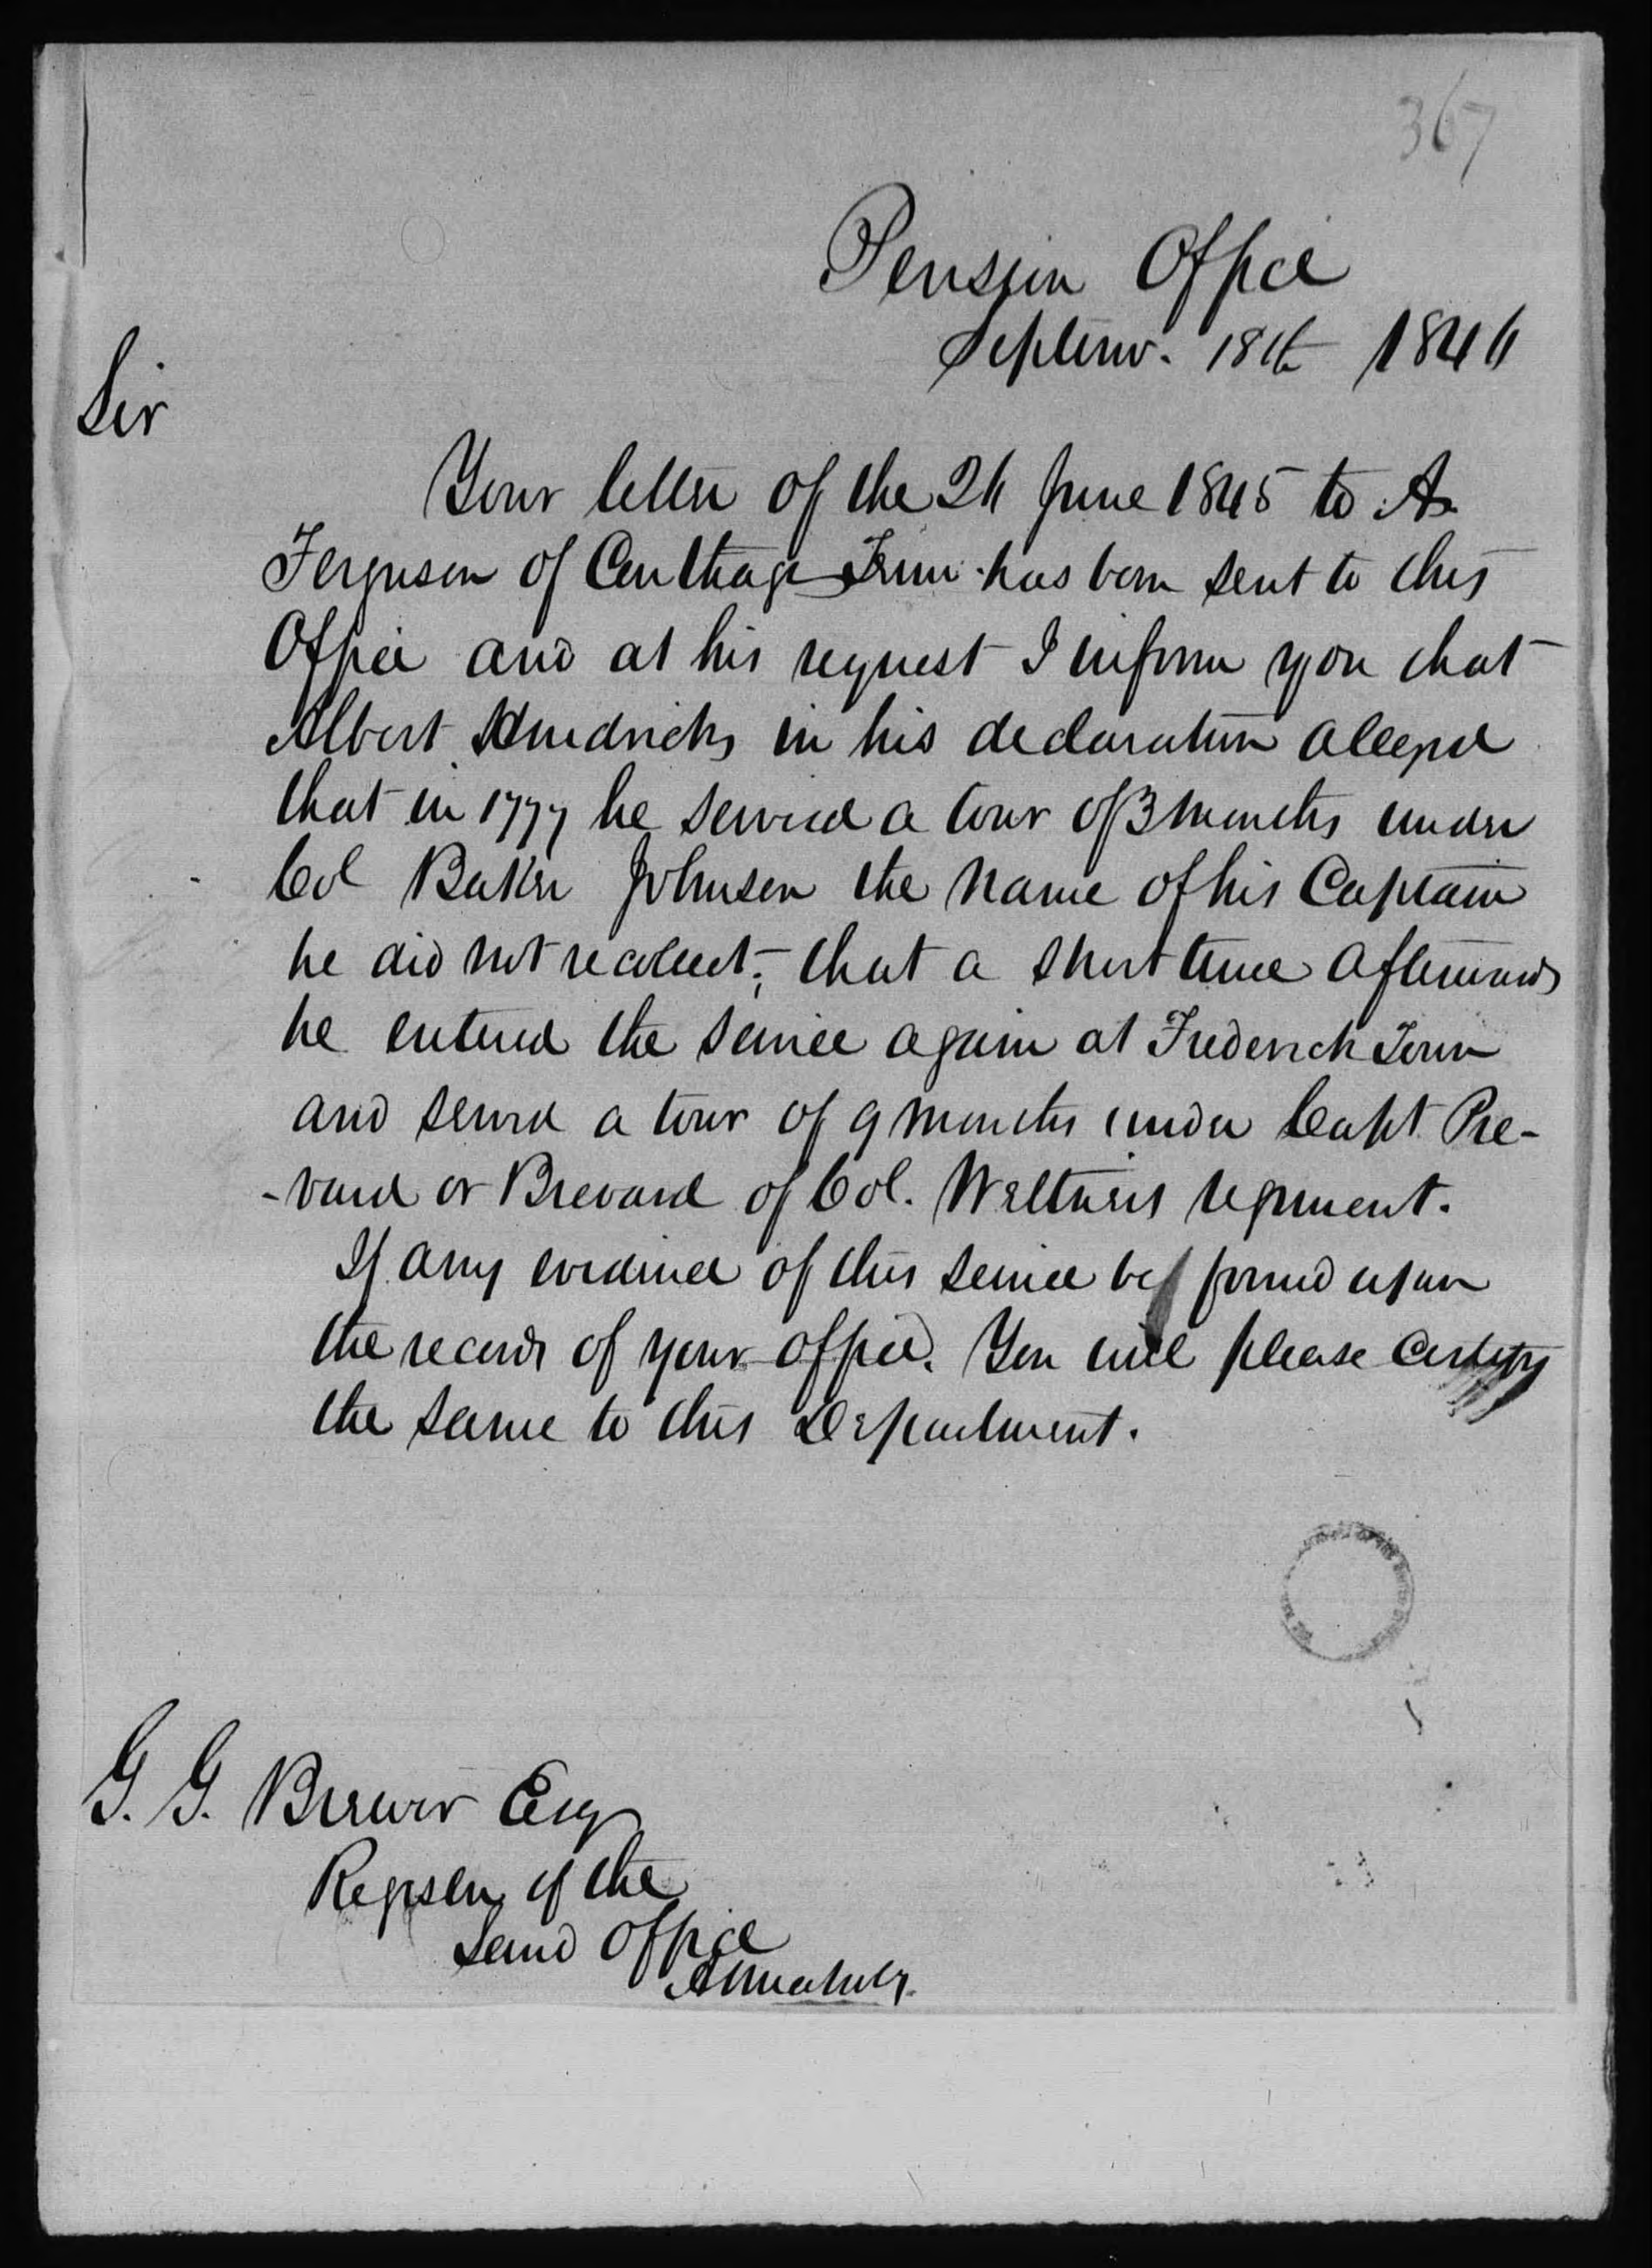Pension Office
Septem. 18th 1846

   Your letter of the 24 June 1846 to A. Fergusen of Carthage Tenn. has been sent to this Office and at his request I inform you that Albert Hendricks in his declaration alleged that in 1777 he served a tour of 3 months under Col Baker Johnsen the name of his Captain he did not recollect; that a short time afterwards he entered the service again at Frederick Town and served a tour of 9 months under Capt Prevard or Brevard of Col. Weltners regiment.
If any evidence of this service be found upon the record of your office, you will please certify the same to this Department.

G.G. Brewer Esq
Register of the
Land Office
Annapolis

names: G G Brewer, Baker Johnson, Brevard, Albert Hendricks, Prevard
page: 43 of 76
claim: widow's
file: W. 83, Albert Hendricks, Continental Md. N.C.